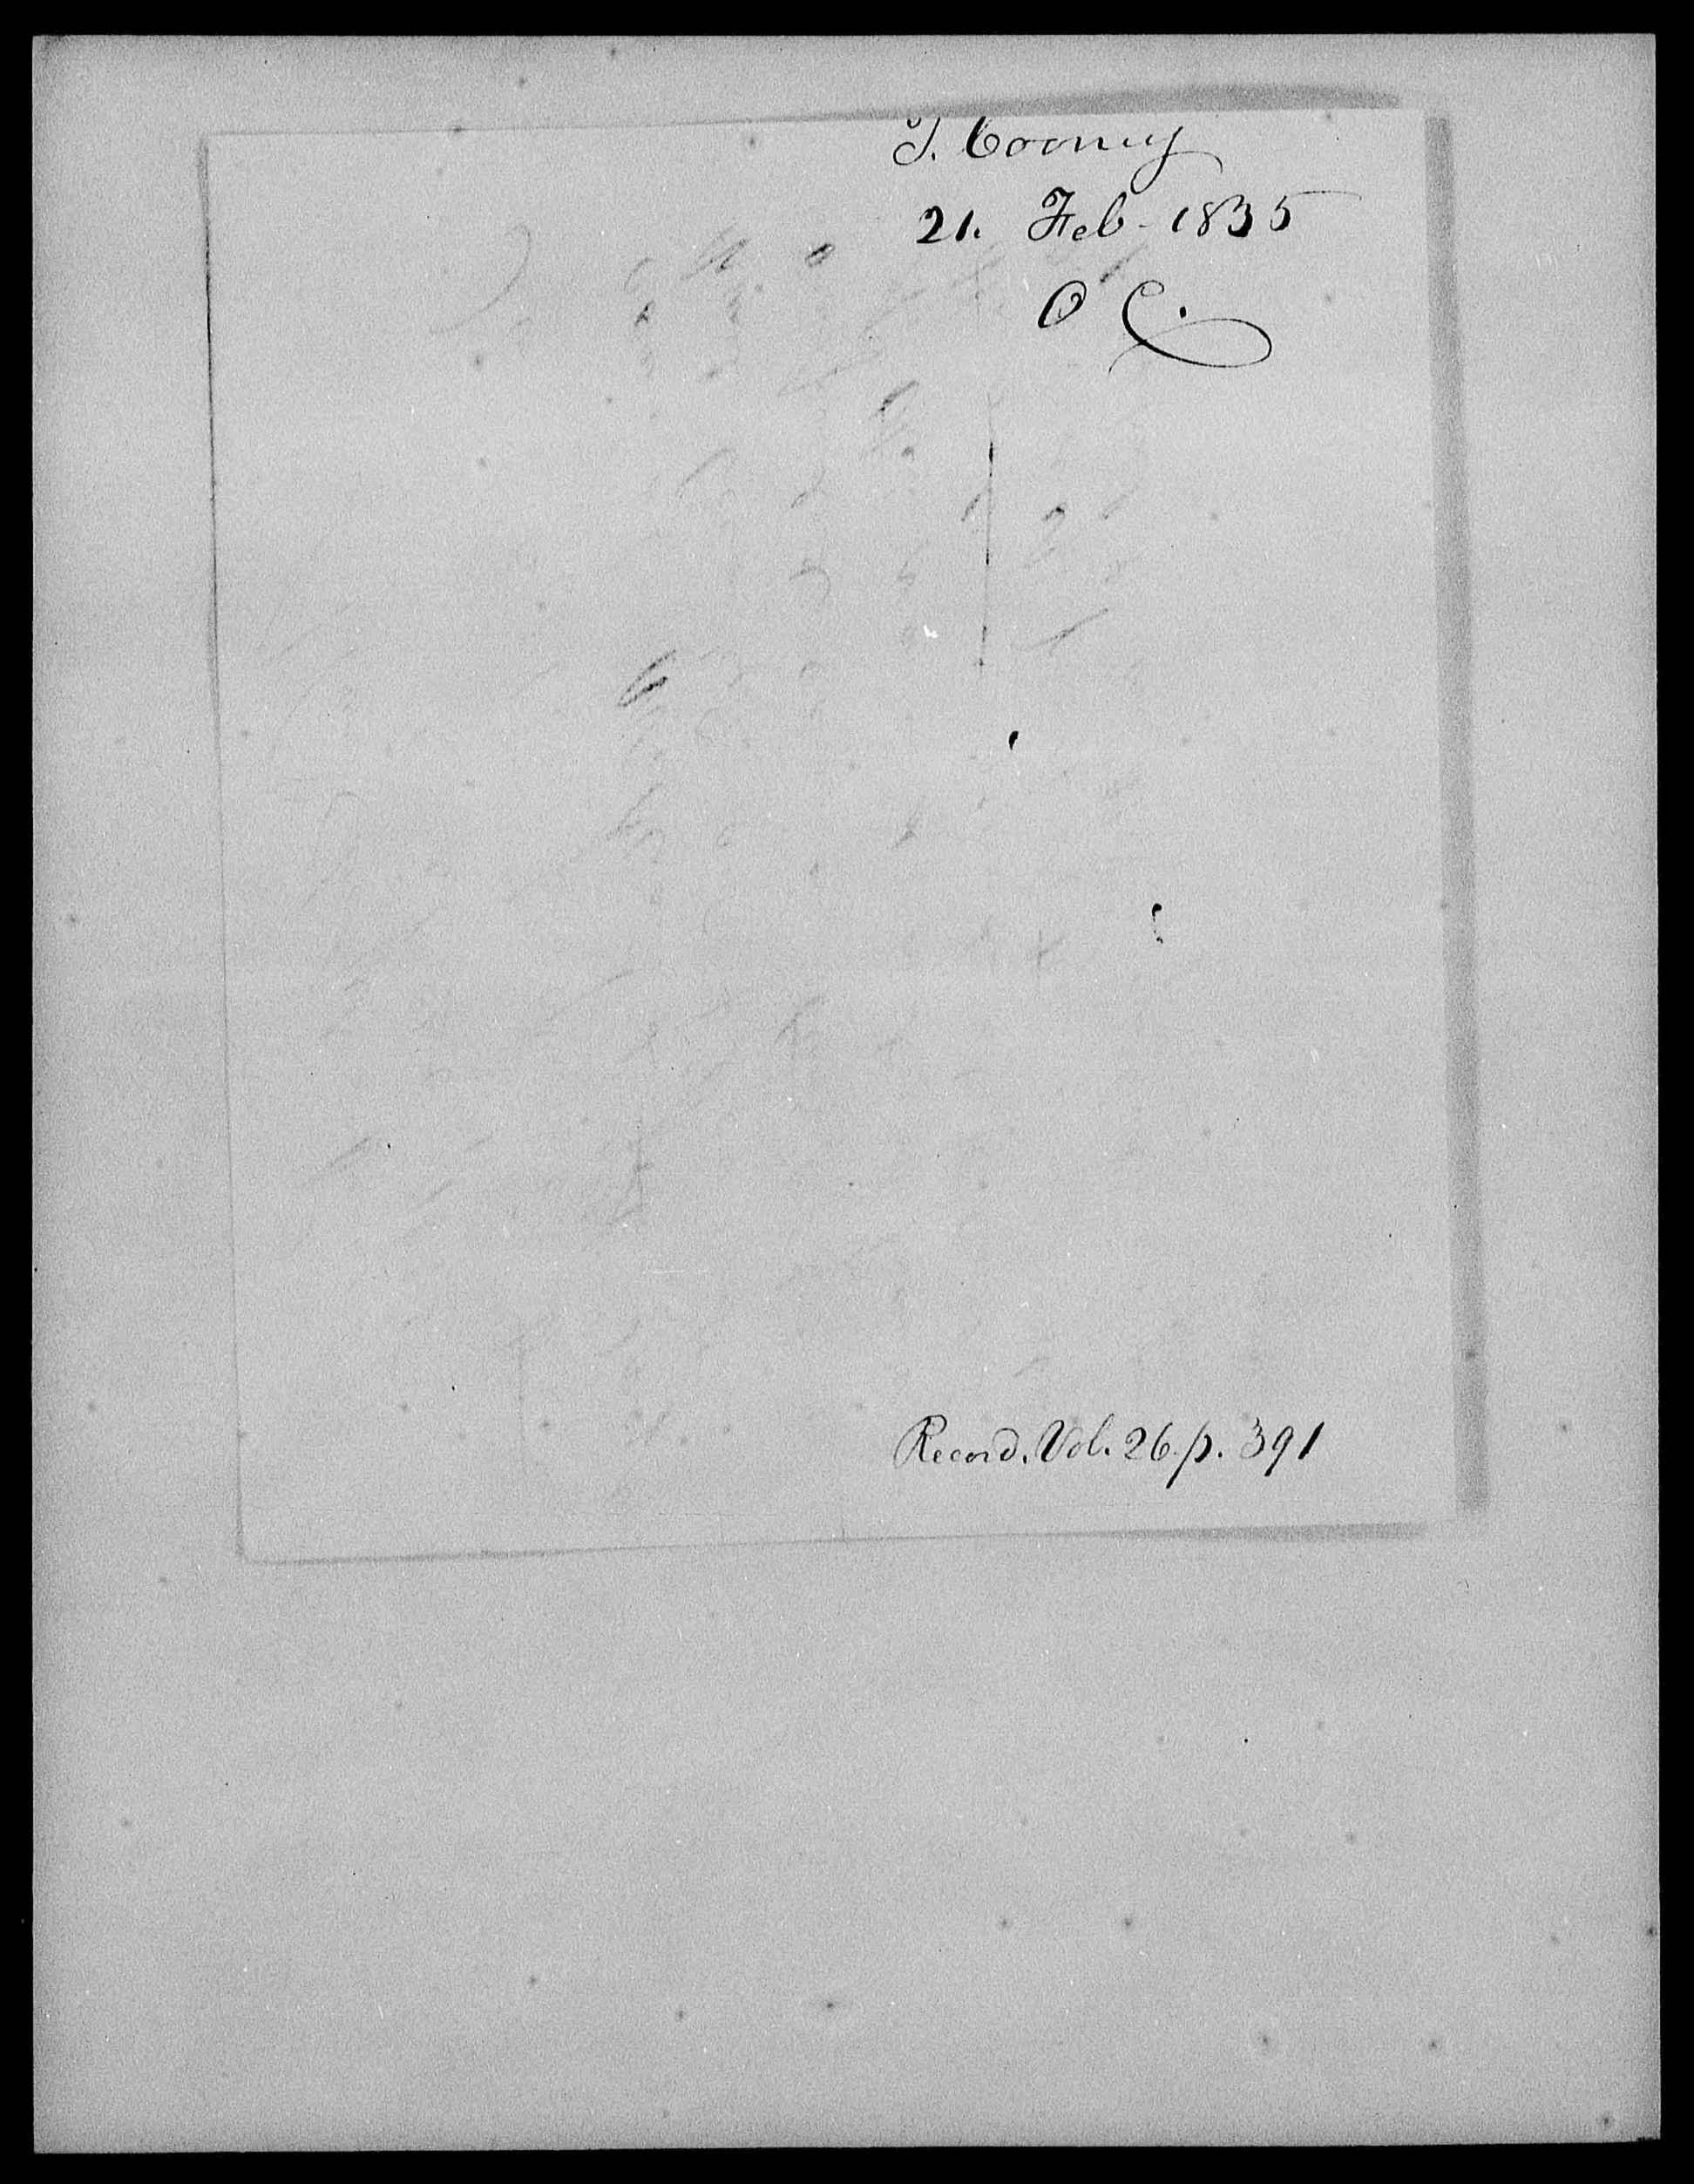T. Cooney
21. Feb. 1835
OC.

Record Vol. 26 p. 391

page: 26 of 33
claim: rejected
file: R 10439, for William Taylor, North Carolina